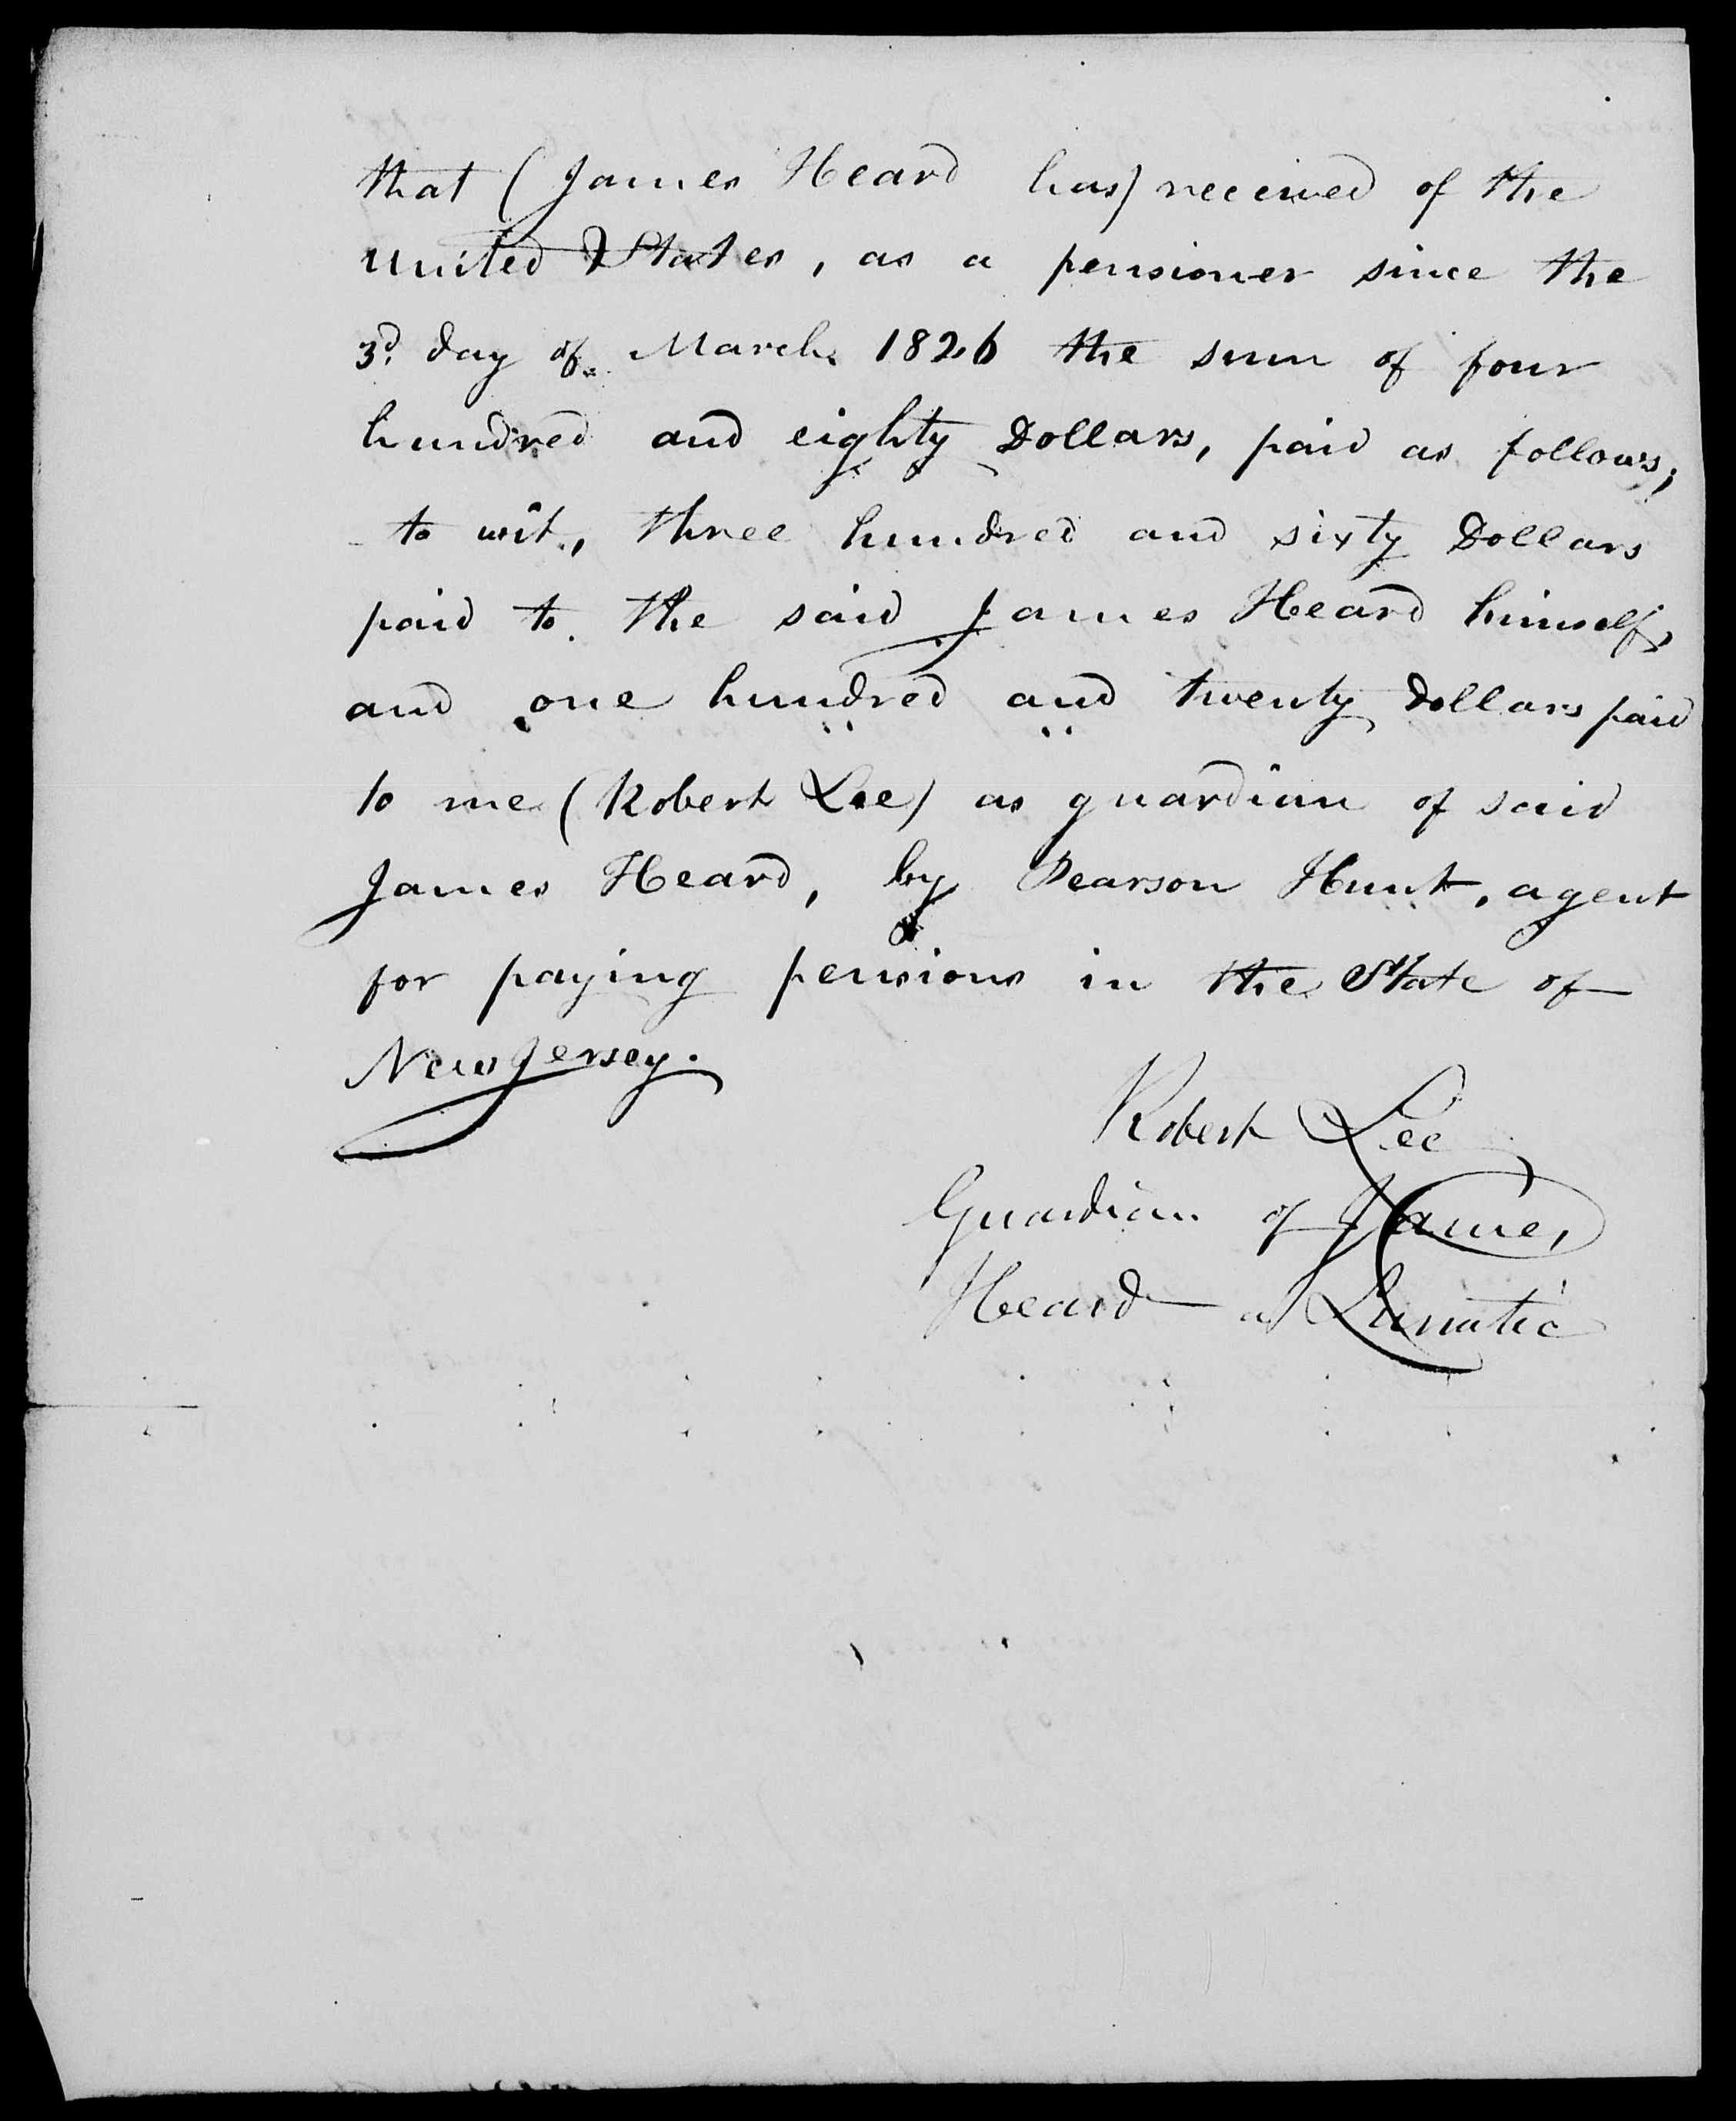That James Heard has received of the United States, as a pensioner since the 3rd day of March 1826 the sum of four hundred and eighty dollars, paid as follows to wit, three hundred and six dollars paid to the said James Heard himself, and one hundred and twenty dollars paid me (Robert Lee), as Guardian of James Heard, by Pearson Hunt, agent for paying pensions in the State of New Jersey.

Robert Lee
Guardian of James Heard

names: James Heard, Robert Lee, James Heard, Robert Lee, Pearson Hunt, James Heard, James Heard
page: 24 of 62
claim: survivor's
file: S. 540, James Heard, Continental - New Jersey Residence In 1818